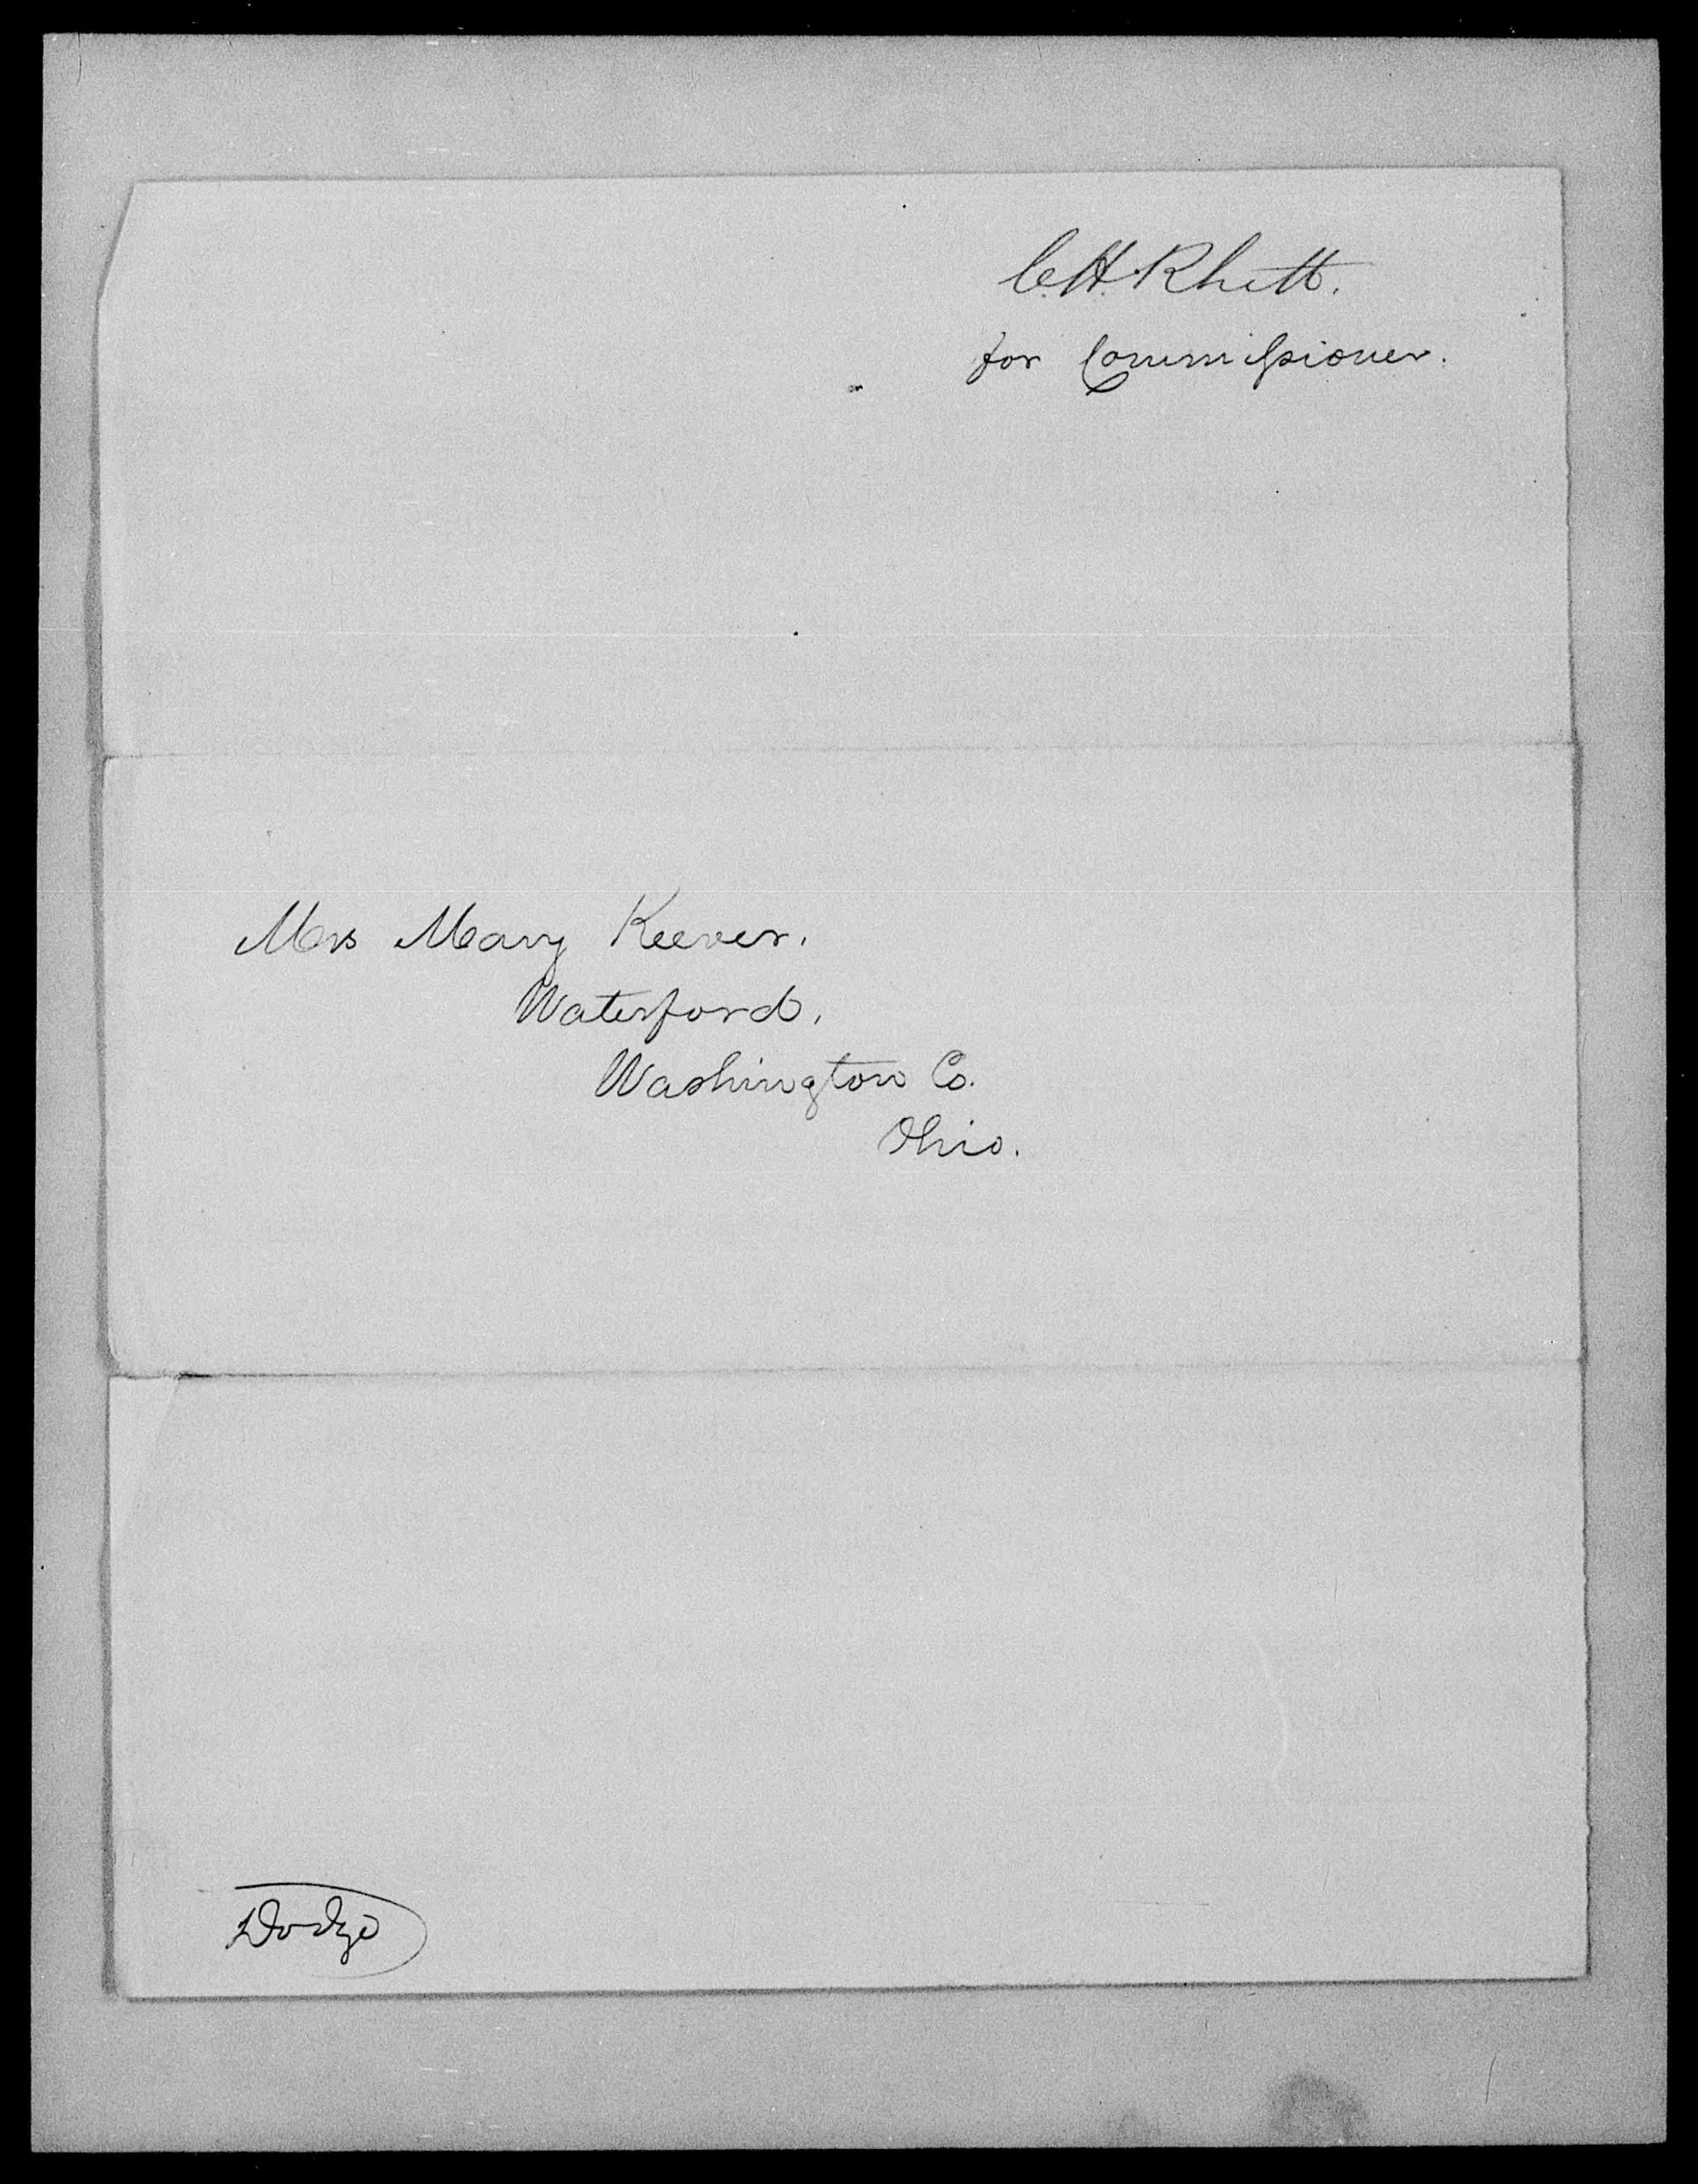C H. Rhett. 
for Commissioner 

Mrs Mary Keever 
Waterford, 
Washington Co. 
Ohio

Dodge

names: C H Rhett; Mary Keever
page: 23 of 33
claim: rejected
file: R. 5814, for John Keever, Maryland